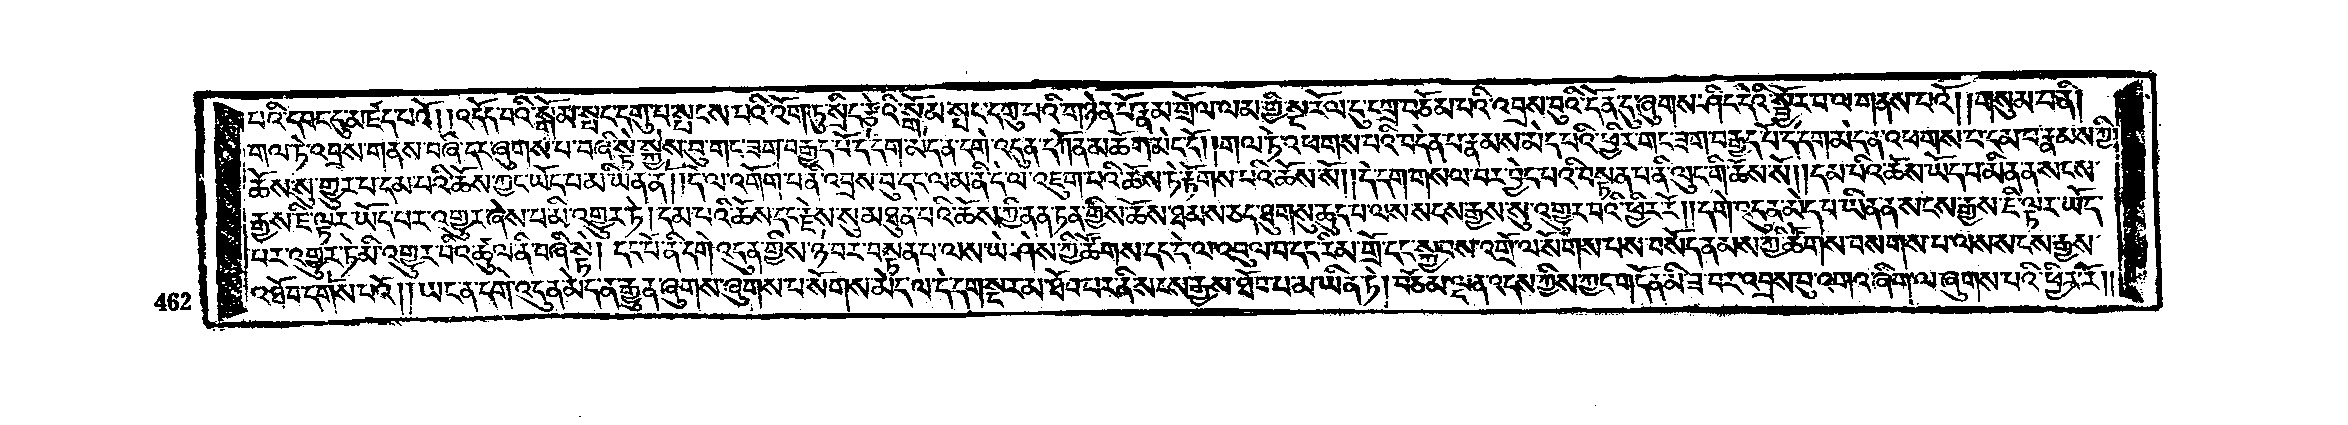པའི་དབང་དུ་མཛད་པའོ། །འདོད་པའི་སྒོམ་སྤང་དགུ་པ་སྤངས་པའི་འོག་ཏུ་སྲིད་རྩེའི་སྒོམ་སྤང་དགུ་པའི་གཉེན་པོ་རྣམ་གྲོལ་ལམ་གྱི་སྔ་རོལ་དུ་དགྲ་བཅོམ་པའི་འབྲས་བུའི་དོན་དུ་ཞུགས་ཤིང་དེའི་སྐྱོང་བ་ལ་གནས་པའོ། །གསུམ་པ་ནི།
གལ་ཏེ་འབྲས་གནས་བཞི་དང་ཞུགས་པ་བཞི་སྟེ་སྐྱེས་བུ་གང་ཟག་བརྒྱད་པོ་དེ་དག་མེད་ན་དགེ་འདུན་དཀོན་མཆོག་མེད་དོ། །གལ་ཏེ་འཕགས་པའི་བདེན་པ་རྣམས་མེད་པའི་ཕྱིར་གང་ཟག་བརྒྱད་པ་དེ་དག་མེད་ན་འཕགས་པ་དམ་པ་རྣམས་ཀྱི་
ཆོས་སུ་གྱུར་པ་དམ་པའི་ཆོས་ཀྱང་ཡོད་པ་མ་ཡིན་ནོ། །དེ་ལ་འགོག་པ་ནི་འབྲས་བུ་དང་ལམ་ནི་དེ་ལ་འཇུག་པའི་ཆོས་ཏེ་རྟོགས་པའི་ཆོས་སོ། །དེ་དག་གསལ་བར་བྱེད་པའི་བསྟན་པ་ནི་ལུང་གི་ཆོས་སོ། །དམ་པའི་ཆོས་ཡོད་པ་མིན་ན་སངས་
རྒྱས་ཇི་ལྟར་ཡོད་པར་འགྱུར་ཞེས་པ་མི་འགྱུར་ཏེ། དམ་པའི་ཆོས་དང་རྗེས་སུ་མཐུན་པའི་ཆོས་ཀྱི་ནན་ཏན་གྱིས་ཆོས་ཐམས་ཅད་ཐུག་སུ་ཆུད་པ་ལས་སངས་རྒྱས་སུ་འགྱུར་བའི་ཕྱིར་རོ། །དགེ་འདུན་མེད་པ་ཡིན་ན་སངས་རྒྱས་ཇི་ལྟར་ཡོད་
པར་འགྱུར་ཏེ་མི་འགྱུར་བའི་ཚུལ་ནི་བཞི་སྟེ། དང་པོ་ནི་དགེ་འདུན་གྱིས་ཉེ་བར་བསྟན་པ་ལས་ཡེ་ཤེས་ཀྱི་ཚོགས་དང་དེ་ལ་འབུལ་བ་དང་རིམ་གྲོ་དང་སྐྱབས་འགྲོ་ལ་སོགས་པས་བསོད་ནམས་ཀྱི་ཚོགས་བསགས་པ་ལས་སངས་རྒྱས་
འཐོབ་དགོས་པའོ། །ཡང་ན་དགེ་འདུན་མེད་ན་རྒྱུན་ཞུགས་ཞུགས་པ་སོགས་མེད་ལ་དེ་དག་སྔར་མ་ཐོབ་པར་ནི་སངས་རྒྱས་ཐོབ་པ་མ་ཡིན་ཏེ། བཅོམ་ལྡན་འདས་ཀྱིས་ཀྱང་གདོན་མི་ཟ་བར་འབྲས་བུ་འགའ་ཞིག་ལ་ཞུགས་པའི་ཕྱིར་རོ། །